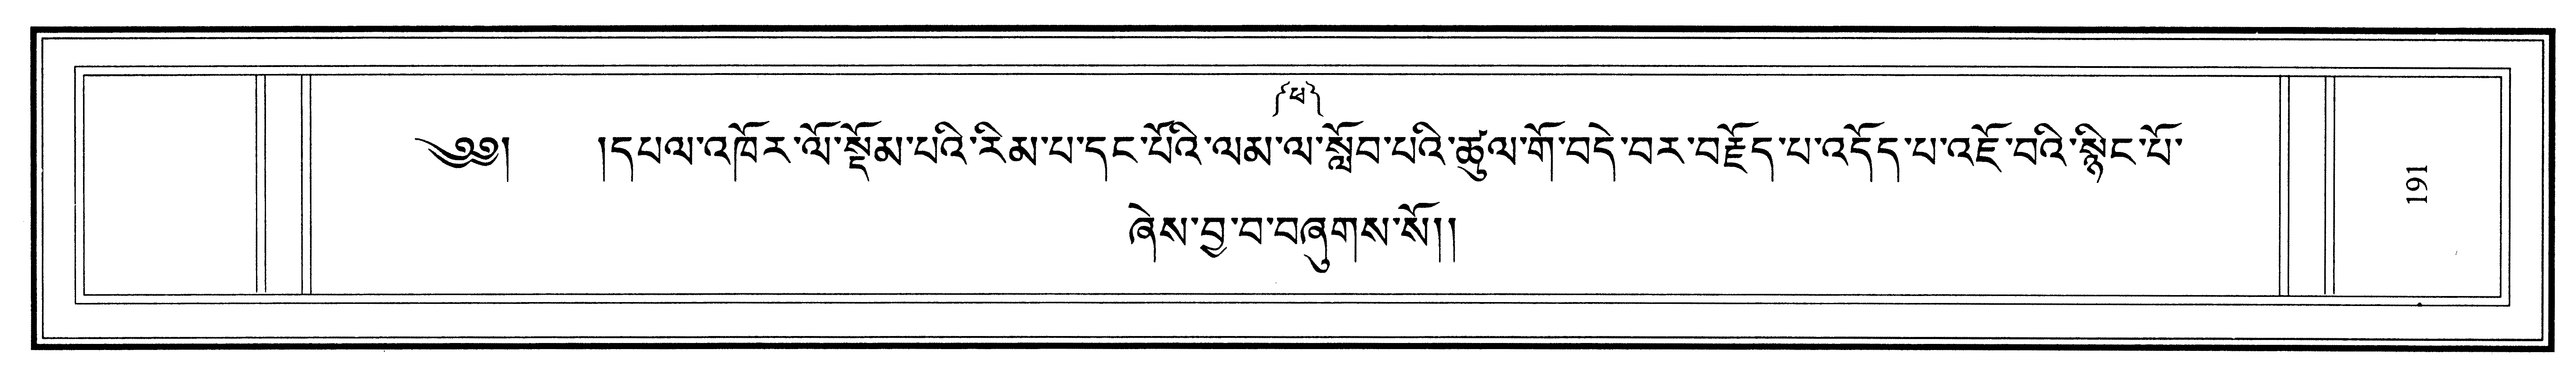༄༅། །དཔལ་འཁོར་ལོ་སྡོམ་པའི་རིམ་པ་དང་པོའི་ལམ་ལ་སློབ་པའི་ཚུལ་གོ་བདེ་བར་བརྗོད་པ་འདོད་པ་འཇོ་བའི་སྙིང་པོ་
ཞེས་བྱ་བ་བཞུགས་སོ།།